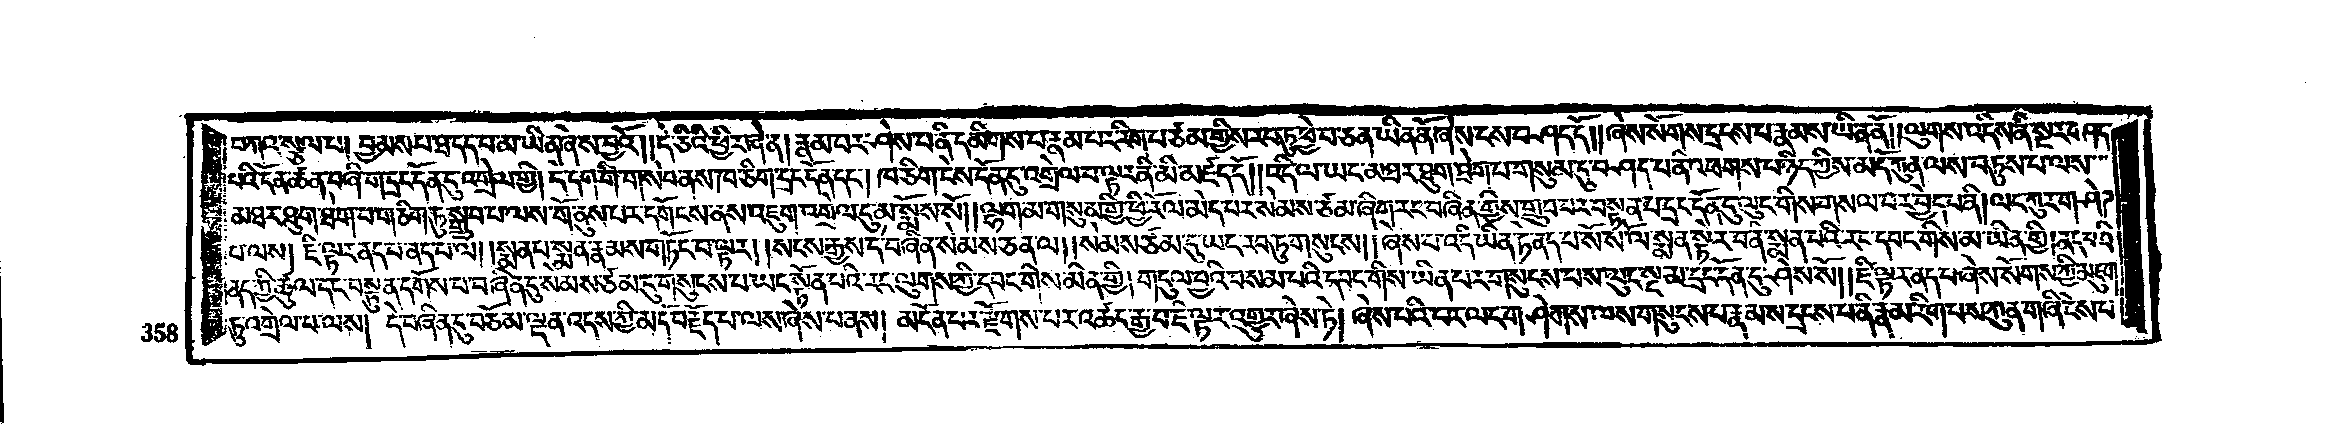བཀའ་སྩལ་པ། བྱམས་པ་ཐ་དད་པ་མ་ཡིན་ཞེས་བྱའོ། །དེ་ཅིའི་ཕྱིར་ཞེ་ན། རྣམ་པར་ཤེས་པ་ནི་དམིགས་པ་རྣམ་པར་རིག་པ་ཙམ་གྱིས་རབ་ཏུ་ཕྱེ་བ་ཅན་ཡིན་ནོ་ཞེས་ངེས་བཤད་དོ། །ཞེས་སོགས་དྲངས་པ་རྣམས་ཡིན་ནོ། །ལུགས་འདིས་ནི་སྔར་བཤད་
པའི་དོན་ཚན་བཞི་ག་དྲང་དོན་དུ་འགྲེལ་གྱི། དེ་དག་གི་གསེབ་ནས་ཁ་ཅིག་དྲང་དོན་དང་། ཁ་ཅིག་ངེས་དོན་དུ་འགྲེལ་བ་ལྟར་ནི་མི་མཛད་དོ། །འདི་ལ་ཡང་མཐར་ཐུག་ཐེག་པ་གསུམ་དུ་བཤད་པ་ནི་འཕགས་པ་ཉིད་ཀྱིས་མདོ་ཀུན་ལས་བཏུས་པ་ལས་
མཐར་ཐུག་ཐེག་པ་གཅིག་ཏུ་སྒྲུབ་པ་ལས་གོ་ནུས་པར་དགོངས་ནས་འཇུག་འགྲེལ་དུ་མ་སྨོས་སོ། །ལྷག་མ་གསུམ་གྱི་ཕྱི་རོལ་མེད་པར་སེམས་ཙམ་ཞིག་རང་བཞིན་གྱིས་གྲུབ་པར་བསྟན་པ་དྲང་དོན་དུ་ལུང་གིས་གསལ་བར་བྱེད་པ་ནི། ལང་ཀར་གཤེགས་
པ་ལས། ཇི་ལྟར་ནད་པ་ནད་པ་ལ། །སྨན་པ་སྨན་རྣམས་གཏོང་བ་ལྟར། །སངས་རྒྱས་དེ་བཞིན་སེམས་ཅན་ལ། །སེམས་ཙམ་དུ་ཡང་རབ་ཏུ་གསུངས། །ཞེས་པ་འདི་ཡིན་ཏེ་ནད་པ་སོ་སོ་ལ་སྨན་སྟེར་བ་ནི་སྨན་པའི་རང་དབང་གིས་མ་ཡིན་གྱི། ནད་པའི་
ནད་ཀྱི་ཚུལ་དང་བསྟུན་དགོས་པ་བཞིན་དུ་སེམས་ཙམ་དུ་གསུངས་པ་ཡང་སྟོན་པའི་རང་ལུགས་ཀྱི་དབང་གིས་མིན་གྱི། གདུལ་བྱའི་བསམ་པའི་དབང་གིས་ཡིན་པར་གསུངས་པས་ལུང་སྔ་མ་དྲང་དོན་དུ་ཤེས་སོ། །ཇི་ལྟར་ནད་པ་ཞེས་སོགས་ཀྱི་མཇུག་
ཏུ་འགྲེལ་པ་ལས། དེ་བཞིན་དུ་བཅོམ་ལྡན་འདས་ཀྱི་མདོ་བརྗོད་པ་ལས་ཞེས་པ་ནས། མངོན་པར་རྫོགས་པར་འཚང་རྒྱ་བ་ཇི་ལྟར་འགྱུར་ཞེས་ཏེ། ཞེས་པའི་བར་ལང་གཤེགས་ལས་གསུངས་པ་རྣམ་དྲངས་པ་ནི་རྣམ་རིགས་པས་ཀུན་གཞི་ངེས་